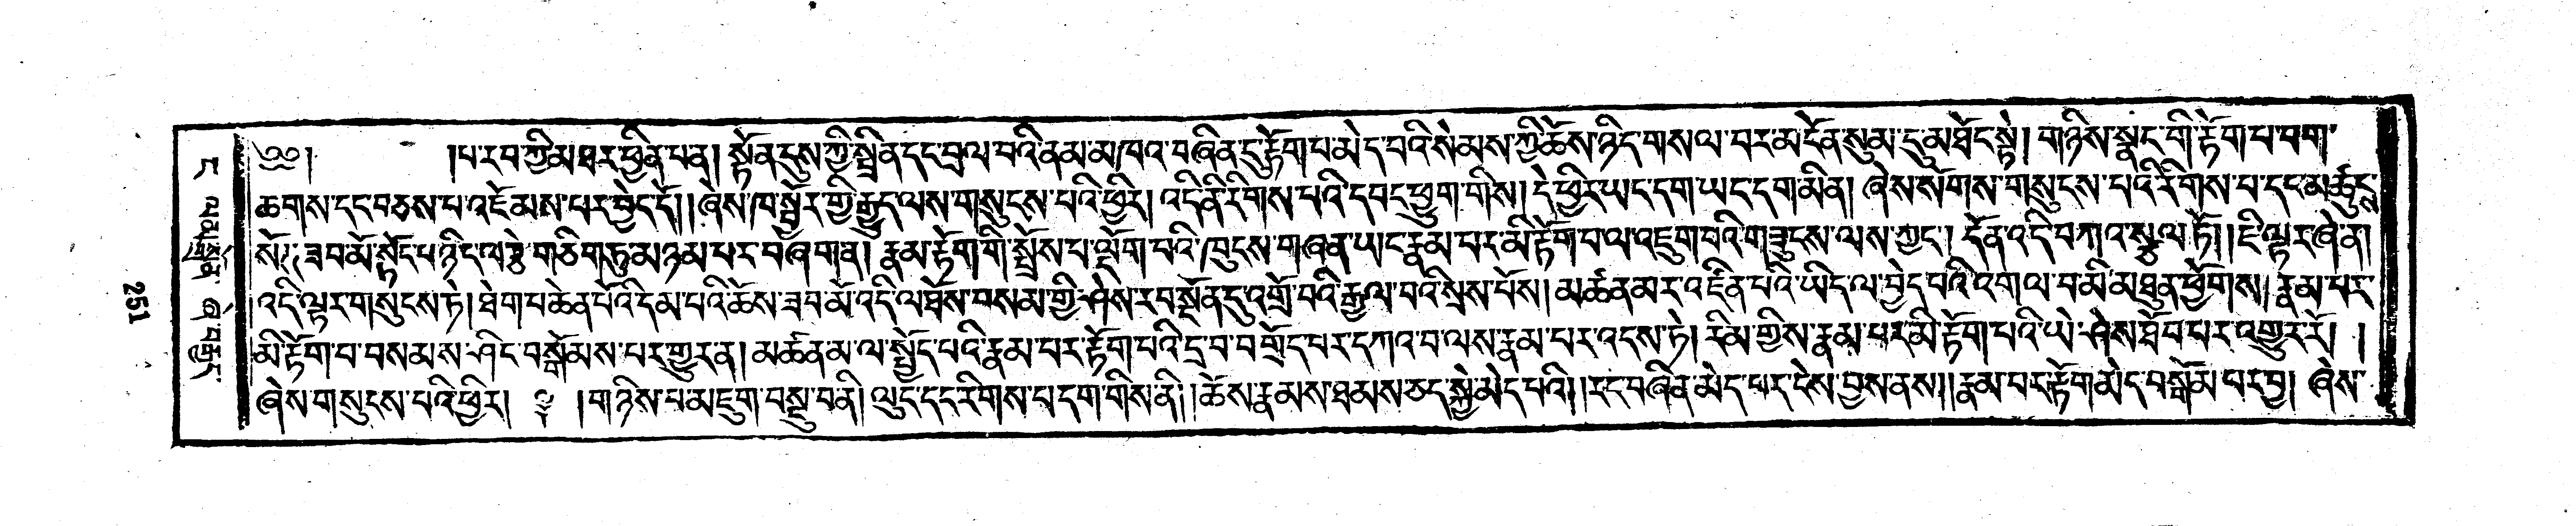༄༅། །པ་རབ་ཀྱི་མཐར་ཕྱིན་པ་ན། སྟོན་དུས་ཀྱི་སྤྲིན་དང་བྲལ་བའི་ནམ་མཁའ་བཞིན་དུ་རྟོག་པ་མེད་པའི་སེམས་ཀྱི་ཆོས་ཉིད་གསལ་བར་མངོན་སུམ་དུ་མཐོང་སྟེ། གཉིས་སྣང་གི་རྟོག་པ་བག་
ཆགས་དང་བཅས་པ་འཇོམས་པར་བྱེད་དོ། །ཞེས་ཁ་སྦྱོར་གྱི་རྒྱུད་ལས་གསུངས་པའི་ཕྱིར། འདི་ནི་རིགས་པའི་དབང་ཕྱུག་གིས། དེ་ཕྱིར་ཡང་དག་ཡང་དག་མིན། ཞེས་སོགས་གསུངས་པའི་རིགས་པ་དང་མཚུངས་
སོ༑ ༑ཟབ་མོ་སྟོང་པ་ཉིད་ལ་རྩེ་གཅིག་ཏུ་མཉམ་པར་བཞག་ན། རྣམ་རྟོག་གི་སྤྲོས་པ་ལྡོག་པའི་ཁུངས་གཞན་ཡང་རྣམ་པར་མི་རྟོག་པ་ལ་འཇུག་པའི་གཟུངས་ལས་ཀྱང་། དོན་འདི་བཀའ་སྩལ་ཏོ། །ཇི་ལྟར་ཞེ་ན།
འདི་ལྟར་གསུངས་ཏེ། ཐེག་པ་ཆེན་པོའི་དམ་པའི་ཆོས་ཟབ་མོ་འདི་ལ་ཐོས་བསམ་གྱི་ཤེས་རབ་སྔོན་དུ་འགྲོ་བའི་རྒྱལ་བའི་སྲས་པོས། མཚན་མར་འཛིན་པའི་ཡིད་ལ་བྱེད་པའི་འགལ་བ་མི་མཐུན་ཕྱོགས། རྣམ་པར་
མི་རྟོག་པ་བསམས་ཤིང་བསྒོམས་པར་གྱུར་ན། མཚན་མ་ལ་སྤྱོད་པའི་རྣམ་པར་རྟོག་པའི་དྲ་བ་བགྲོད་པར་དཀའ་བ་ལས་རྣམ་པར་འདས་ཏེ། རིམ་གྱིས་རྣམ་པར་མི་རྟོག་པའི་ཡེ་ཤེས་ཐོབ་པར་འགྱུར་རོ། །
ཞེས་གསུངས་པའི་ཕྱིར། ༈ །གཉིས་པ་མཇུག་བསྡུ་བ་ནི། ལུང་དང་རིགས་པ་དག་གིས་ནི། །ཆོས་རྣམས་ཐམས་ཅད་སྐྱེ་མེད་པའི། །རང་བཞིན་མེད་པར་ངེས་བྱས་ནས། །རྣམ་པར་རྟོག་མེད་བསྒོམ་པར་བྱ། ཞེས་